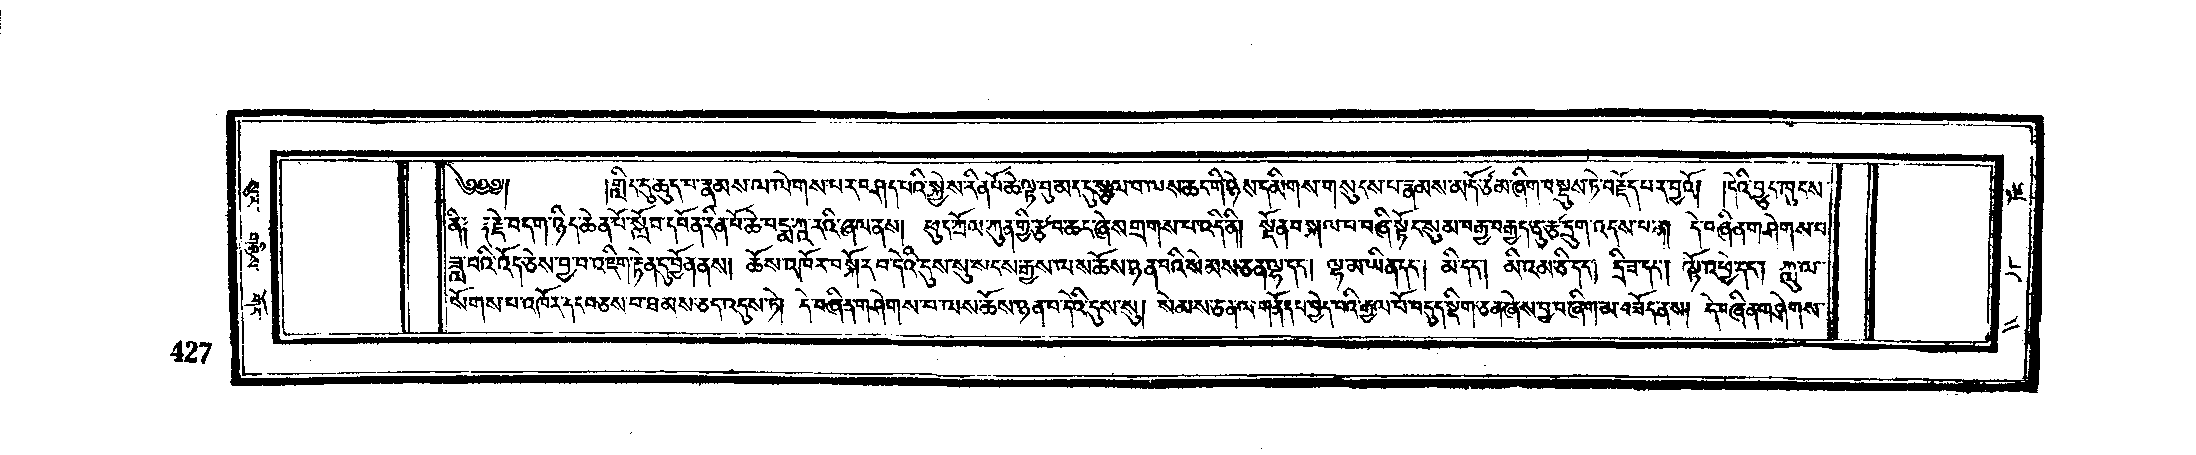༄༅༅། །གླིང་དུ་ཆུད་པ་རྣམས་ལ་ལེགས་པར་བཤད་པའི་སྐྱེས་རིན་པོ་ཆེ་ལྟ་བུ་མང་དུ་སྩལ་བ་ལས་ཆང་གི་ཉེས་དམིགས་གསུངས་པ་རྣམས་མདོ་ཙམ་ཞིག་བསྡུས་ཏེ་བརྗོད་པར་བྱའོ། །དེའི་བྱུང་ཁུངས་
ནི༑ ༑རྗེ་བདག་ཉིད་ཆེན་པོ་སློབ་དཔོན་རིན་པོ་ཆེ་པདམ་ཀཱ་རའི་ཞལ་ནས། ཕུད་ཀྲོལ་ཀུན་གྱི་རྩ་བ་ཆང་ཞེས་གྲགས་པ་འདི་ནི། སྔོན་བསྐལ་བ་བཞི་སྟོང་སུམ་བརྒྱ་བརྒྱད་ཅུ་རྩ་དྲུག་འདས་པ་ན། དེ་བཞིན་གཤེགས་པ་
ཟླ་བའི་འོད་ཅེས་བྱ་བ་འཇིག་རྟེན་དུ་བྱོན་ནས། ཆོས་འཁོར་བསྐོར་བ་དེའི་དུས་སུ་སངས་རྒྱས་ལས་ཆོས་ཉན་བའི་སེམས་ཅན་ལྷ་དང་། ལྷ་མ་ཡིན་དང་། མི་དང་། མི་འམ་ཅི་དང་། དྲི་ཟ་དང་། ལྟོ་འཕྱེ་དང་། ཀླུ་ལ་
སོགས་པ་འཁོར་དང་བཅས་པ་ཐམས་ཅད་འདུས་ཏེ། དེ་བཞིན་གཤེགས་པ་ལས་ཆོས་ཉན་པ་དེའི་དུས་སུ། སེམས་ཅན་ལ་གནོད་པ་བྱེད་པའི་རྒྱལ་པོ་བདུད་སྡིག་ཅན་ཞེས་བྱ་བ་ཞིག་མ་བཟོད་ནས། དེ་བཞིན་གཤེགས་